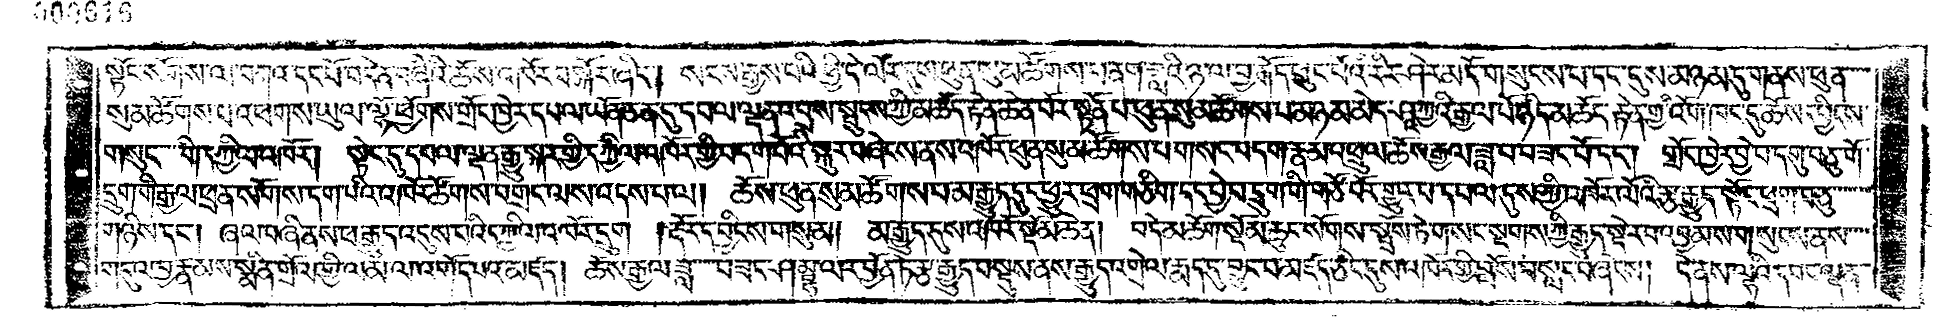སྟོང་སོགས་ལ་བཀའ་དང་པོ་བདེན་བཞིའི་ཆོས་འཁོར་བསྐོར་ཞིང་། སངས་རྒྱས་པའི་ཕྱི་དེ་ལོར་དུས་ཕུན་སུམ་ཚོགས་པ་ནག་ཟླའི་ཉ་ལ་བྱ་རྒོད་ཕུང་པོའི་རིར་ཤེར་མདོ་གསུངས་པ་དང་དུས་མཉམ་དུ་གནས་ཕུན་
སུམ་ཚོགས་པ་འཕགས་ཡུལ་ལྷོ་ཕྱོགས་གྲོང་ཁྱེར་དཔལ་ཡོན་ཅན་དུ་དཔལ་ལྡན་འབྲས་སྤུངས་ཀྱི་མཆོད་རྟེན་ཆེན་པོར་སྟོན་པ་ཕུན་སུམ་ཚོགས་པ་མཉམ་མེད་ཤཱཀྱའི་རྒྱལ་པོ་ཉིད་མཆོད་རྟེན་གྱི་འོག་ཁང་དུ་ཆོས་དབྱིངས་
གསུང་གི་དཀྱིལ་འཁོར། སྟེང་དུ་དཔལ་ལྡན་རྒྱུ་སྐར་གྱི་དཀྱིལ་འཁོར་གྱི་བདག་པོའི་སྐུར་བཞེངས་ནས་འཁོར་ཕུན་སུམ་ཚོགས་པ་གསང་བདག་རྣམ་འཕྲུལ་ཆོས་རྒྱལ་ཟླ་བ་བཟང་པོ་དང་། གྲོང་ཁྱེར་བྱེ་བ་དགུ་བཅུ་གོ་
དྲུག་གི་རྒྱལ་ཕྲན་སོགས་དག་པའི་འཁོར་ཚོགས་བགྲང་ལས་འདས་པ་ལ། ཆོས་ཕུན་སུམ་ཚོགས་པ་མ་རྒྱུད་དུང་ཕྱུར་ཕྲག་གཅིག་དང་བྱེ་བ་དྲུག་གི་གཙོ་བོར་གྱུར་པ་དཔལ་དུས་ཀྱི་འཁོར་ལོའི་རྩ་རྒྱུད་སྟོང་ཕྲག་བཅུ་
གཉིས་དང་། ཞལ་བཞི་ནས་ཕ་རྒྱུད་འདུས་པའི་དཀྱིལ་འཁོར་དྲུག །རྡོར་དབྱིངས་གསུམ། མ་རྒྱུད་དུས་འཁོར་སྡོམ་ཆེན། བདེ་མཆོག་སྡོམ་ཆུང་སོགས་སྤྲོས་ཏེ་གསང་སྔགས་ཀྱི་རྒྱུད་སྡེ་རབ་འབྱམས་གསུངས་ནས་
གདུལ་བྱ་རྣམས་སྨིན་གྲོལ་གྱི་ལམ་ལ་འགོད་པའི་མཛད། ཆོས་རྒྱལ་ཟླ་བཟང་ཤམྦྷ་ལར་བྱོན་ཏེ་རྩ་རྒྱུད་བསྡུས་ནས་རྒྱུད་འགྲེལ་རྨད་དུ་བྱུང་བ་མཛད་ཅིང་དུས་འཁོར་གྱི་བློས་བསླང་བཞེངས། དེ་ནས་ལྷའི་དབང་ལྡན་